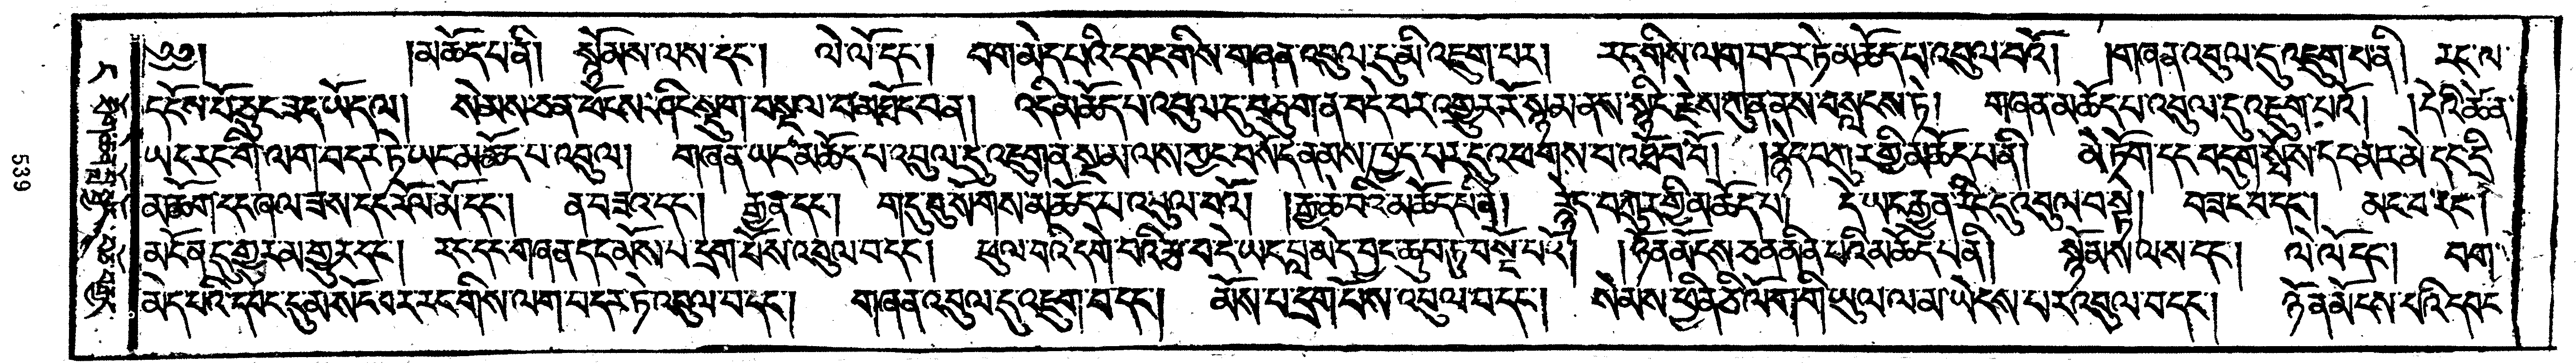༄༅། །མཆོད་པ་ནི། སྙོམས་ལས་དང་། ལེ་ལོ་དང་། བག་མེད་པའི་དབང་གིས་གཞན་འབུལ་དུ་མི་འཇུག་པར། རང་གིས་ལག་བདར་ཏེ་མཆོད་པ་འབུལ་བའོ། །གཞན་འབུལ་དུ་འཇུག་པ་ནི། རང་ལ་
དངོས་པོ་ཅུང་ཟད་ཡོད་ལ། སེམས་ཅན་ཕོངས་ཤིང་སྡུག་བསྔལ་བ་མཐོང་བ་ན། འདི་མཆོད་པ་འབུལ་དུ་བཅུག་ན་བདེ་བར་འགྱུར་རོ་སྙམ་ནས་སྙིང་རྗེས་ཀུན་ནས་བསླངས་ཏེ། གཞན་མཆོད་པ་འབུལ་དུ་འཇུག་པའོ། །དེའི་ཚེ་ན་
ཡང་རང་གི་ལག་བདར་ཏེ་ཡང་མཆོད་པ་འབུལ། གཞན་ཡང་མཆོད་པ་འབུལ་དུ་འཇུག་ན་སྔ་མ་ལས་ཀྱང་བསོད་ནམས་ཁྱད་པར་དུ་འཕགས་པ་འཐོབ་བོ། །རྙེད་བཀུར་གྱི་མཆོད་པ་ནི། མེ་ཏོག་དང་བདུག་སྤོས་དང་མར་མེ་དང་དྲི་
མཆོག་དང་ཞལ་ཟས་དང་རོལ་མོ་དང་། ན་བཟའ་དང་། རྒྱན་དང་། གདུ་བུ་སོགས་མཆོད་པ་འབུལ་བའོ། །རྒྱ་ཆེ་བའི་མཆོད་པ་ནི། རྙེད་བཀུར་གྱི་མཆོད་པ། དེ་ཡང་རྒྱུན་རིང་དུ་འབུལ་བསྟེ། བཟང་པོ་དང་། མང་བ་རང་།
མངོན་དུ་གྱུར་མ་གྱུར་དང་། རང་དང་གཞན་དང་མོས་པ་དྲག་པོས་འབུལ་བ་དང་། ཕུལ་བའི་དགེ་བའི་རྩ་བ་དེ་ཡང་བླ་མེད་བྱང་ཆུབ་ཏུ་བསྔོ་བའོ། །ཉོན་རྨོངས་ཅན་མིན་པའི་མཆོད་པ་ནི། སྙོམས་ལས་དང་། ལེ་ལོ་དང་། བག་
མེད་པའི་དབང་དུ་མ་སོང་བར་རང་གིས་ལག་བདར་ཏེ་འབུལ་བ་དང་། གཞན་འབུལ་དུ་འཇུག་པ་དང་། མོས་པ་དྲག་པོས་འབུལ་བ་དང་། སེམས་ཕྱིན་ཅི་ལོག་གི་ཡུལ་ལ་མ་ཡེངས་པར་འབུལ་བ་དང་། ཉོན་མོངས་པའི་དབང་